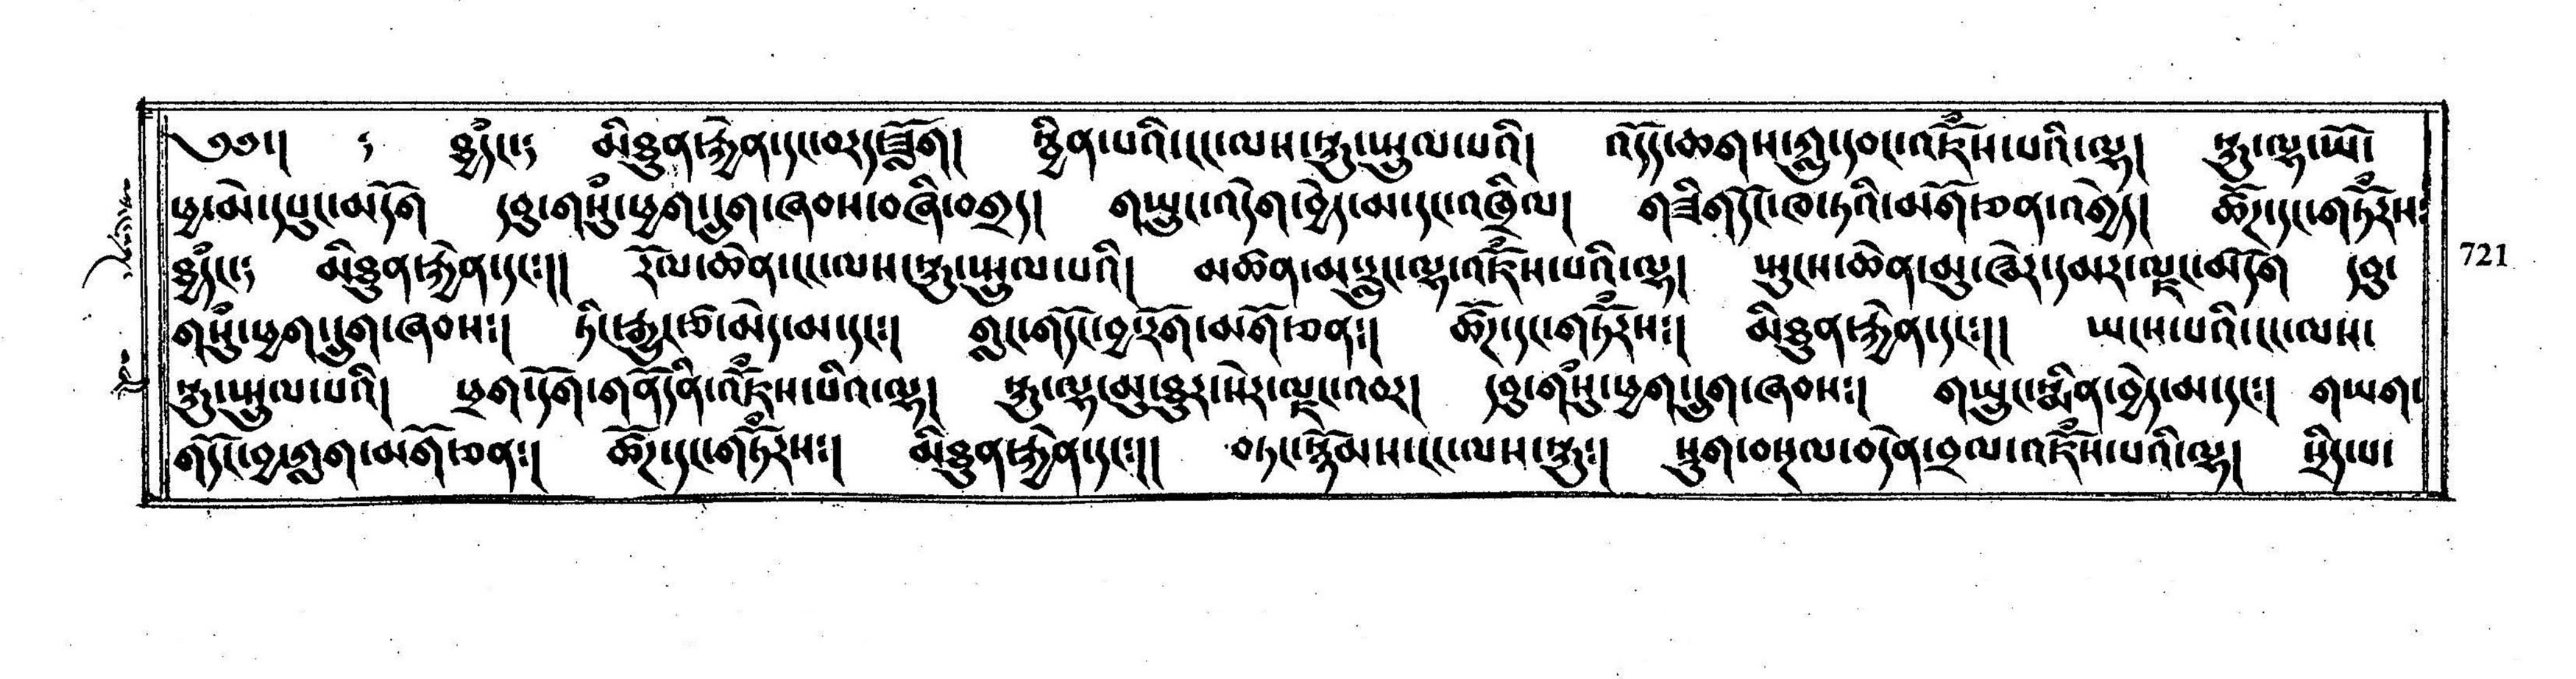ཐུགས་དམ་བསྐང་། མི་མཐུན་རྐྱེན་དང་བར་ཆད་ཟློག སྦྱིན་པའི་ངང་ལས་སྐུ་སྤྲུལ་པའི། འདོད་ཆགས་ཀླུ་དབང་འཇོམས་པའི་ལྷ། སྐུ་ལྷ་ཡོ་
ཕྱ་མེ་དཔུང་མདོག དབུ་གསུམ་ཕྱག་དྲུག་ཞབས་བཞི་བགྲད། གཡུང་དྲུང་འདེག་བྱེད་མ་དང་འཁྲིལ། གཟིག་གདོང་ཁ་ཏའི་མགོ་ཅན་འགྱེད། ཚོགས་དང་གཏོར་མས་
ཐུགས་དམ་བསྐང་། མི་མཐུན་རྐྱེན་དང་༴།། རོལ་ཆེན་ངང་ལས་སྐུ་སྤྲུལ་པའི། མཚན་མ་རླུང་ལྷ་འཇོམས་པའི་ལྷ། སྤུངས་ཆེན་མུ་ཝེར་དམར་ལྗང་མདོག དབུ་
གསུམ་ཕྱག་དྲུག་ཞབས༴། ཏིང་རྒྱུང་ཙ་མེད་མ་དང་༴། གླང་གདོང་བྱ་རོག་མགོ་ཅན༴། ཚོགས་དང་གཏོར་མས༴། མི་མཐུན་རྐྱེན་དང་༴།། ཡངས་པའི་ངང་ལས་
སྐུ་སྤྲུལ་པའི། ཕྲག་དོག་གནོད་སྦྱིན་འཇོམས་པའི་ལྷ། སྐུ་ལྷ་མུ་ཐུར་སེར་ལྗང་འབར། དབུ་གསུམ་ཕྱག་དྲུག་ཞབས༴། གཡུང་དྲུང་སྨིན་བྱེད་མ་དང་༴། གཡག་
གདོང་བྱ་ཀླག་མགོ་ཅན༴། ཚོགས་དང་གཏོར་མས༴། མི་མཐུན་རྐྱེན་དང་༴།། བཏང་སྙོམས་ངང་ལས་སྐུ༴། སྡུག་བསྔལ་བདེན་བྲལ་འཇོམས་པའི་ལྷ། སྲིད་པ་